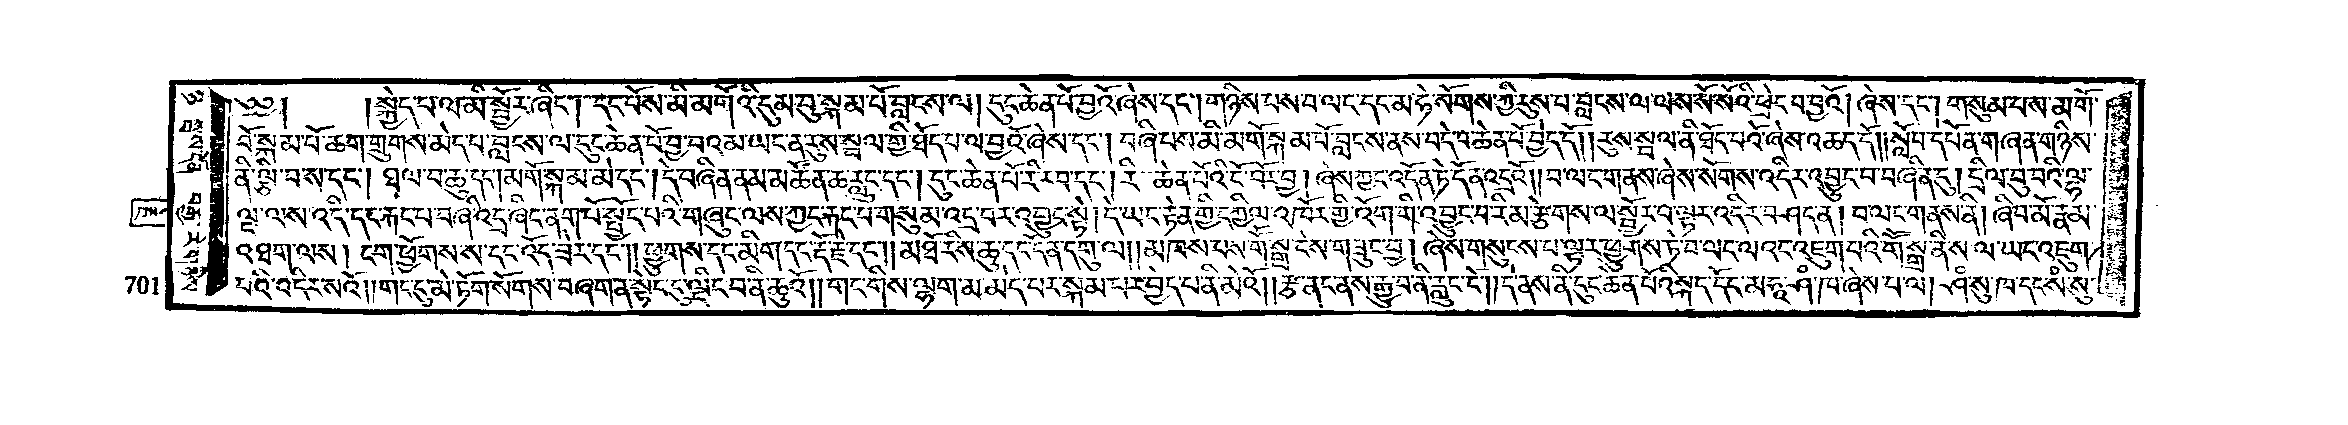༄༅། །སྐྱེད་པ་ལ་མི་སྦྱོར་ཞིང་། དང་པོས་མི་མགོའི་དུམ་བུ་སྐམ་པོ་བླངས་ལ། དུང་ཆེན་པོ་བྱའོ་ཞེས་དང་། གཉིས་པས་བ་ལང་དང་མྷེ་སོགས་ཀྱི་རུས་པ་བླངས་ལ་ལས་སོ་སོའི་ཕྲེང་བ་བྱའོ། ཞེས་དང་། གསུམ་པས་མགོ་
བོ་སྐམ་པོ་ཆག་གྲུགས་མེད་པ་བླངས་ལ་དུང་ཆེན་པོ་བྱ་བའམ་ཡང་ན་རུས་སྦལ་གྱི་ཐོད་པ་ལ་བྱའོ་ཞེས་དང་། བཞི་པས་མི་མགོ་སྐམ་པོ་བླངས་ནས་བདེ་བ་ཆེན་པོ་བྱེད་དོ། །རུས་སྦལ་ནི་ཐོད་པའོ་ཞེས་འཆད་དོ། །སློབ་དཔོན་གཞན་གཉིས་
ནི་ལྕི་བ་ས་དང་། ཐལ་བ་ཆུ་དང་། མགོ་སྐམ་མེ་དང་། དེ་བཞིན་ནམ་མཚོན་ཆ་རླུང་དང་། དུང་ཆེན་པོ་རི་རབ་དང་། རི་ཆེན་པོའི་ངོ་བོར་བྱ། ཞེས་ཀྱང་འདོན་ཏེ་དོན་འདྲའོ། །བ་ལང་གནས་ཞེས་སོགས་འདིར་འབྱུང་བ་བཞིན་དུ། དྲིལ་བུ་བའི་ལྷ་
ལྔ་ལས་འདི་དང་རྐང་པ་བཞི་འདྲ་ཞིང་ནག་པོ་སྤྱོད་པའི་གཞུང་ལས་ཀྱང་རྐང་པ་གསུམ་འདྲ་བར་འབྱུང་སྟེ། དེ་ཡང་རྟེན་གྱི་དཀྱིལ་འཁོར་གྱི་འོག་གི་འབྱུང་བ་རིམ་རྩེགས་ལ་སྦྱོར་པ་ལྟར་འདིར་བཤད་ན། བ་ལང་གནས་ནི། ཞིབ་མོ་རྣམ་
འཐག་ལས། ངག་ཕྱོགས་ས་དང་འོད་ཟེར་དང་། ཕྱུགས་དང་མིག་དང་རྡོ་རྗེ་དང་། །མཐོ་རིས་ཆུ་དང་དོན་དགུ་ལ། །མཁས་པས་གཽ་སྒྲ་ངེས་གཟུང་བྱ། ཞེས་གསུངས་པ་ལྟར་ཕྱུགས་ཏེ་བ་ལང་ལའང་འཇུག་པའི་གཽ་སྒྲ་ནི་ས་ལ་ཡང་འཇུག་
པའི་འདིར་སའོ། །གང་དུ་མེ་ཏོག་སོགས་བཞག་ན་སྟེང་དུ་ལྡིང་བ་ནི་ཆུའོ། །གང་གིས་ལྷག་མ་མེད་པར་སྐམ་པར་བྱེད་པ་ནི་མེའོ། །རྩ་ནང་ནས་རྒྱུ་བ་ནི་རླུང་ངོ། །དེ་ནས་ནི་དུང་ཆེན་པོའི་སྐད་དོང་མཧཱ་ཤཾ་ཁ་ཞེས་པ་ལ། ཤཾ་སུ་ཁ་དང་སཾ་སུ་